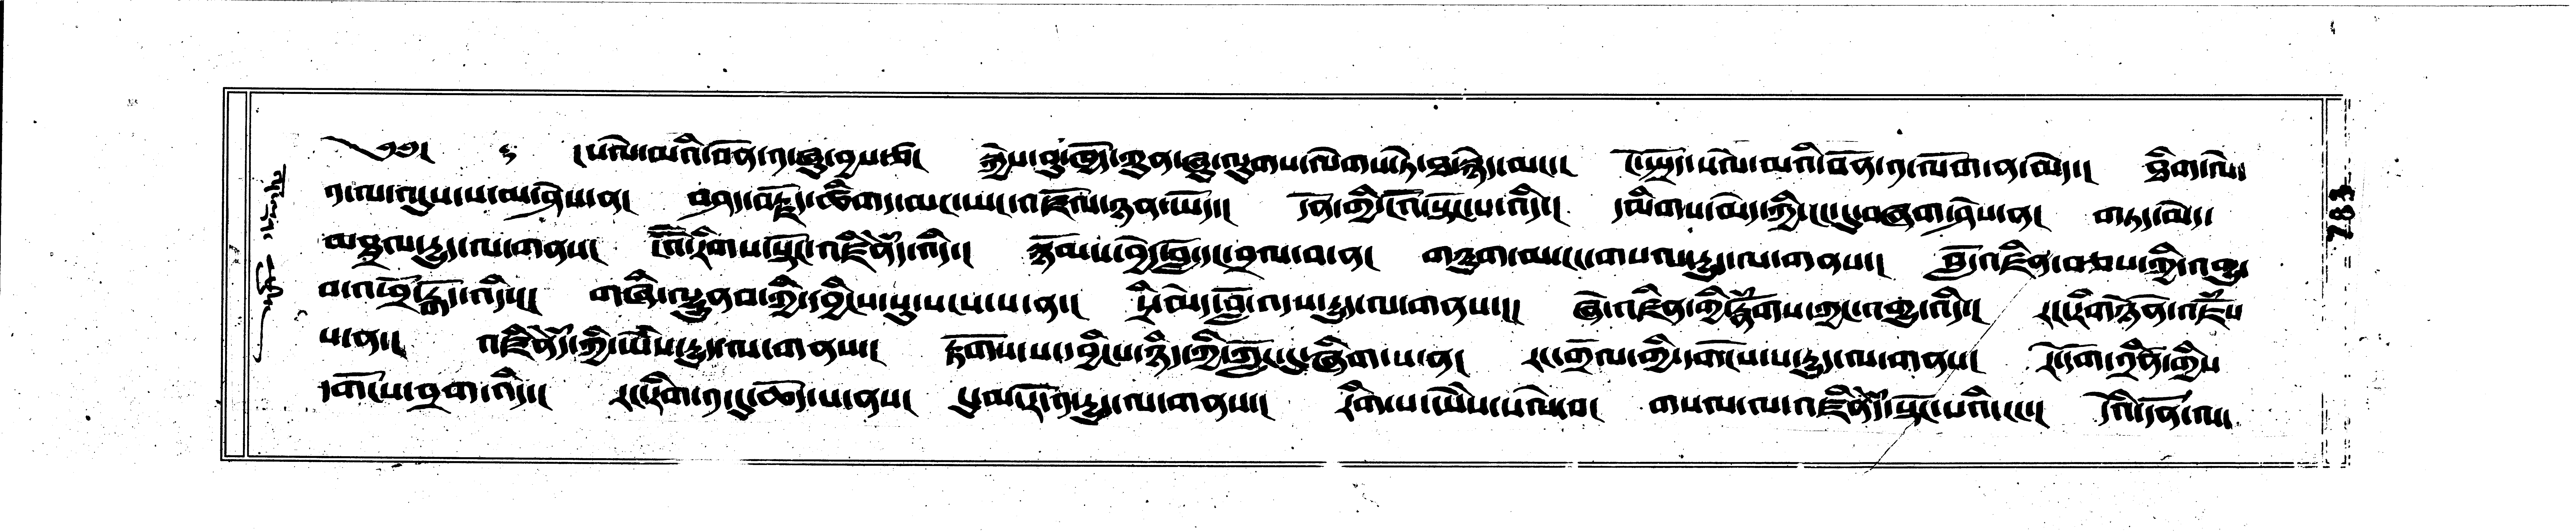སལེ་མའི་བོན་ཅིག་ལོགས་ན་མེད། ཐིག་ལེ་
གཅིག་ལ་འདུས་པ་མ་ཤེས་ན། བཤད་བརྗོད་ཚིག་བཤད་མང་ཡང་འཛོལ་ཉེན་ཡོད། དོན་གྱི་ངོའོ་སྟོང་པ་འདི། དམིགས་མེད་ཀྱི་ངང་དུ་བཞག་ཤེས་ན། གཏད་མེད་མཐའ་
བྲལ་རྒྱུད་ལ་གནས། ངོའོ་རིག་སྟོང་འཛིན་མེད་འདི། སྙམ་བྱེད་བློ་དང་བྲལ་བ་ན། གཉུག་མ་ངང་གསལ་རྒྱུད་ལ་གནས། བློ་འཛིན་བཅས་ཀྱི་འགྱུ་
བ་འཕྲོ་རྒོད་འདི། གཞི་ལྷུན་གྲུབ་གྱི་དབྱིངས་སུ་སངས་པ་ན། དྲི་མེད་བློ་འདས་རྒྱུད་ལ་གནས། ཞེ་འཛིན་གྱི་རྣམ་རྟོག་ཀྱང་འགྱུ་འདི། རང་རིག་གཉེན་པོས་འཇོམས
ལ་གནས། རྟོག་པ་དབྱིངས་ཉིད་ཀྱི་ཀློང་དུ་ཞིག་པ་ན། རང་གྲོལ་གྱི་དགོངས་པ་རྒྱུད་ལ་གནས། རེ་དོགས་གཉིས་འཛིན་གྱི་
དགོངས་བྲག་འདི། རང་རིག་ཅིག་ཏུ་ཆོད་པ་ན། དུ་མ་རོ་གཅིག་རྒྱུད་ལ་གནས། རིག་པ་ཡེ་ཤེས་སལེ་བ། གསལ་ལ་འཛིན་མེད་སྟོང་པའི་ངང་། དེའི་དོན་ལ་